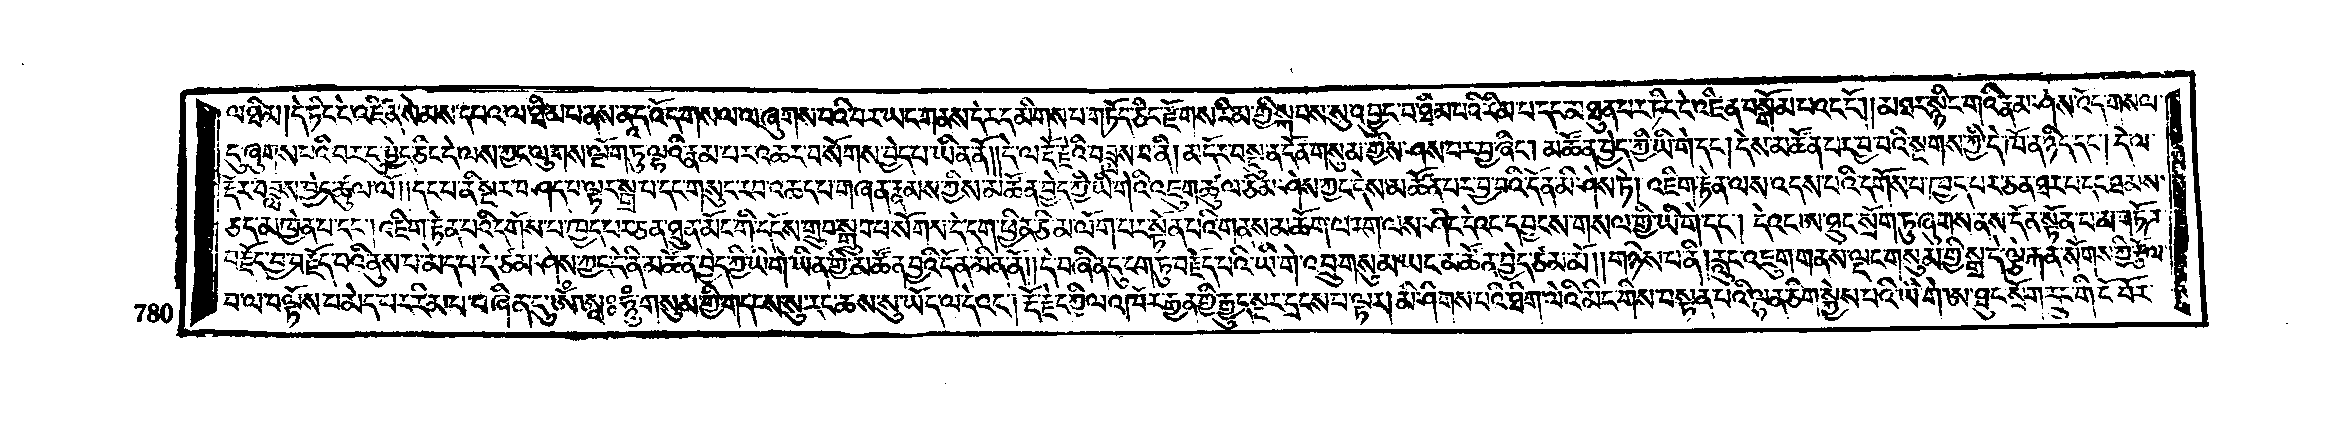ལ་ཐིམ། དེ་ཏིང་ངེ་འཛིན་སེམས་དཔའ་ལ་ཐིམ་པ་ནས་ནཱ་ད་འོད་གསལ་ལ་ཞུགས་པའི་བར་ཡང་གནས་དེར་དམིགས་པ་གཏོད་ཅིང་རྫོགས་རིམ་གྱི་སྐབས་སུ་འབྱུང་བ་ཐིམ་པའི་རིམ་པ་དང་མཐུན་པར་ཏིང་ངེ་འཛིན་བསྒོམ་པའང་ངོ། །མཐར་སྙིང་གའི་རྣམ་ཤེས་འོད་གསལ་
དུ་ཞུགས་པའི་བར་དུ་བྱེད་ཅིང་དེ་ལས་ཀྱང་ལུགས་ལྡོག་ཏུ་ལྷའི་རྣམ་པར་འཆར་བ་སོགས་བྱེད་པ་ཡིན་ནོ། །དེ་ལ་རྡོ་རྗེའི་བཟླས་པ་ནི། མདོར་བསྡུ་ན་དོན་གསུམ་གྱིས་ཤས་པར་བྱ་ཞིང་། མཚོན་བྱེད་ཀྱི་ཡི་གེ་དང་། དེས་མཚོན་པར་བྱ་བའི་སྔགས་ཀྱི་དེ་ཁོ་ན་ཉིད་དང་། དེ་ལ་
རྡོར་བཟླས་བྱེད་ཚུལ་ལོ། །དང་པོ་ནི་སྔར་བཤད་པ་ལྟར་སྒྲ་པ་དང་གསུང་རབ་འཆད་པ་གཞན་རྣམས་ཀྱིས་མཚོན་བྱེད་ཀྱི་ཡི་གེའི་འཇུག་ཚུལ་ཙམ་ཤེས་ཀྱང་དེས་མཚོན་པར་བྱ་བའི་དོན་མི་ཤེས་ཏེ། འཇིག་རྟེན་ལས་འདས་པའི་དགོས་པ་ཁྱད་པར་ཅན་ཐར་པ་དང་ཐམས་
ཅད་མཁྱེན་པ་དང་། འཇིག་རྟེན་པའི་དགོས་པ་ཁྱད་པར་ཅན་ཐུན་མོང་གི་དངོས་གྲུབ་སྒྲུབ་པ་སོགས་དེ་དག་ཕྱིན་ཅི་མ་ལོག་པར་སྟོན་པའི་གནས་མཆོག་ལ་རག་ལས་ཤིང་དེའང་དབྱངས་གསལ་གྱི་ཡི་གེ་དང་། དེའང་ཨ་ཐུང་སྲོག་ཏུ་ཞུགས་ནས་དོན་སྟོན་པ་མ་གཏོགས་
བརྗོད་བྱ་བརྗོད་པའི་ནུས་པ་མེད་པ་དེ་ཙམ་ཤེས་ཀྱང་དེ་ནི་མཚོན་བྱེད་ཀྱི་ཡི་གེ་ཡིན་གྱི་མཚོན་པའི་དོན་མིན་ནོ། །དེ་བཞིན་དུ་ངག་ཏུ་བརྗོད་པའི་ཡི་གེ་འབྲུ་གསུམ་ཡང་མཚོན་བྱེད་ཙམ་མོ། །གཉིས་པ་ནི། རླུང་འཇུག་གནས་ལྡང་གསུམ་གྱི་སྒྲ་དེ་ལྕེ་རྐན་སོགས་ཀྱི་རྩོལ་
བ་ལ་བལྟོས་པ་མེད་པར་རིམ་པ་བཞིན་དུ་ཨོཾ་ཨཱཿ ཧཱུཾ་གསུམ་གྱི་གདངས་སུ་རང་ཆས་སུ་ཡོད་ལ་དེའང་། རྡོ་རྗེ་དཀྱིལ་འཁོར་རྒྱན་གྱི་རྒྱུད་སྔར་དྲངས་པ་ལྟར། མི་ཤིགས་པའི་ཐིག་ལེའི་མིང་གིས་བསྟན་པའི་ལྷན་ཅིག་སྐྱེས་པའི་ཡི་གེ་ཨ་ཐུང་སྲོག་རླུང་གི་ངོ་བོར་